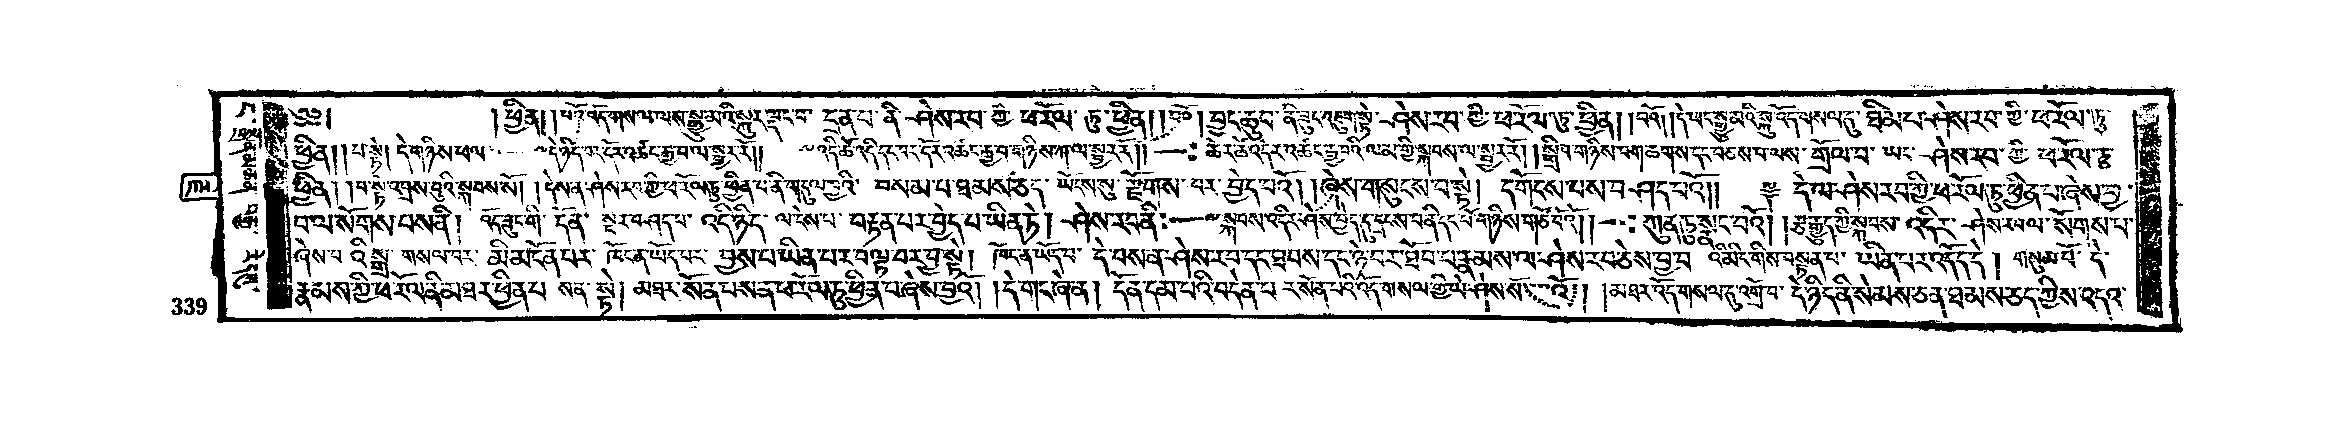༄༅། །ཕྱིན། ། པའོ་འོད་གསལ་ལས་སྒྱུ་མའི་སྐུར་ལྡང་བ་དྲན་པ་ནི་ཤེས་རབ་ཀྱི་ཕ་རོལ་ཏུ་ཕྱིན། ། བའོ། བྱང་ཆུབ་ནི་ཟུང་འཇུག་སྟེ་ཤེས་རབ་ཀྱི་ཕ་རོལ་ཏུ་ཕྱིན། ། བའོ། །དེ་ཡང་སྒྱུ་མའི་སྐུ་འོད་གསལ་དུ་ཐིམ་པ་ཤེས་རབ་ཀྱི་ཕ་རོལ་ཏུ་
ཕྱིན། ། པ་སྟེ། དེ་གཉིས་ཕལ་༧དེ་ཉིད་བར་དོར་འཚང་རྒྱ་བ་ལ་སྦྱར་རོ།། ༧འདི་ཚེ་འདི་དང་པར་དོར་འཚང་རྒྱ་བ་གཉིས་ཀ་ལ་སྦྱར་རོ།། ཆེར་ཚེ་འདིར་འཚང་རྒྱ་བའི་ལམ་གྱི་སྐབས་ལ་སྦྱར་རོ། །སྒྲིབ་གཉིས་བག་ཆགས་དང་བཅས་པ་ལས་གྲོལ་བ་ཡང་ཤེས་རབ་ཀྱི་ཕ་རོལ་ཏུ
ཕྱིན། ། བ་སྟེ་འབྲས་བུའི་སྐབས་སོ། །དེས་ན་ཤེས་རབ་ཀྱི་ཕ་རོལ་ཏུ་ཕྱིན་པ་ནི་གདུལ་བྱའི་བསམ་པ་ཐམས་ཅད་ཡོངས་སུ་རྫོགས་པར་བྱེད་པའོ། །ཞེས་གསུངས་པ་སྟེ། དགོངས་པས་བཤད་པའོ།། ༈ དེ་ལ་ཤེས་རབ་ཀྱི་ཕ་རོལ་ཏུ་ཕྱིན་པ་ཞེས་བྱ་
བ་ལ་སོགས་པས་ནི། འོད་ཟུང་གི་དོན་སྔར་བཤད་པ་འདི་ཉིད་ལ་ངེས་པ་བརྟན་པར་བྱེད་པ་ཡིན་ཏེ། ཤེས་རབ་ནི་༧སྐབས་འདི་ཤེས་བྱེད་དུ་དྲངས་པ་ནི་དང་པོ་གཉིས་གཙོ་བོའོ། །ཀུན་ཏུ་སྣང་བའོ། ། རྩ་རྒྱུད་ཀྱི་སྐབས་འདིར་ཤེས་རབ་ལ་སོགས་པ་
ཞེས་པའི་སྒྲ་གསལ་བར་མི་མངོན་པར་ཁོང་ན་ཡོད་པར་བྱས་པ་ཡིན་པར་བལྟ་བར་བྱ་སྟེ། ཁོང་ན་ཡོད་པ་དེ་བས་ན་ཤེས་རབ་དང་ཐབས་དང་ཉེ་བར་ཐོབ་པ་རྣམས་ལ་ཤེས་རབ་ཅེས་བྱ་བ་འི་མིང་གིས་བསྟན་པ་ཡིན་པར་འདོད་དེ། གསུམ་པོ་དེ་
རྣམས་ཀྱི་ཕ་རོལ་ནི་མཐར་ཕྱིན་པས་ན་སྟེ། མཐར་སོན་པས་ན་ཕ་རོལ་ཏུ་ཕྱིན་པ་ཞེས་བྱའོ། །དེ་གང་ཞེ་ན། དོན་དམ་པའི་བདེན་པར་སོན་པའི་འོད་གསལ་གྱི་ཡེ་ཤེས་སོ་འོ། ། མཐར་འོད་གསལ་དུ་འགྲོ་བ་དེ་ཉིད་ནི་སེམས་ཅན་ཐམས་ཅད་ཀྱིས་འདའ་